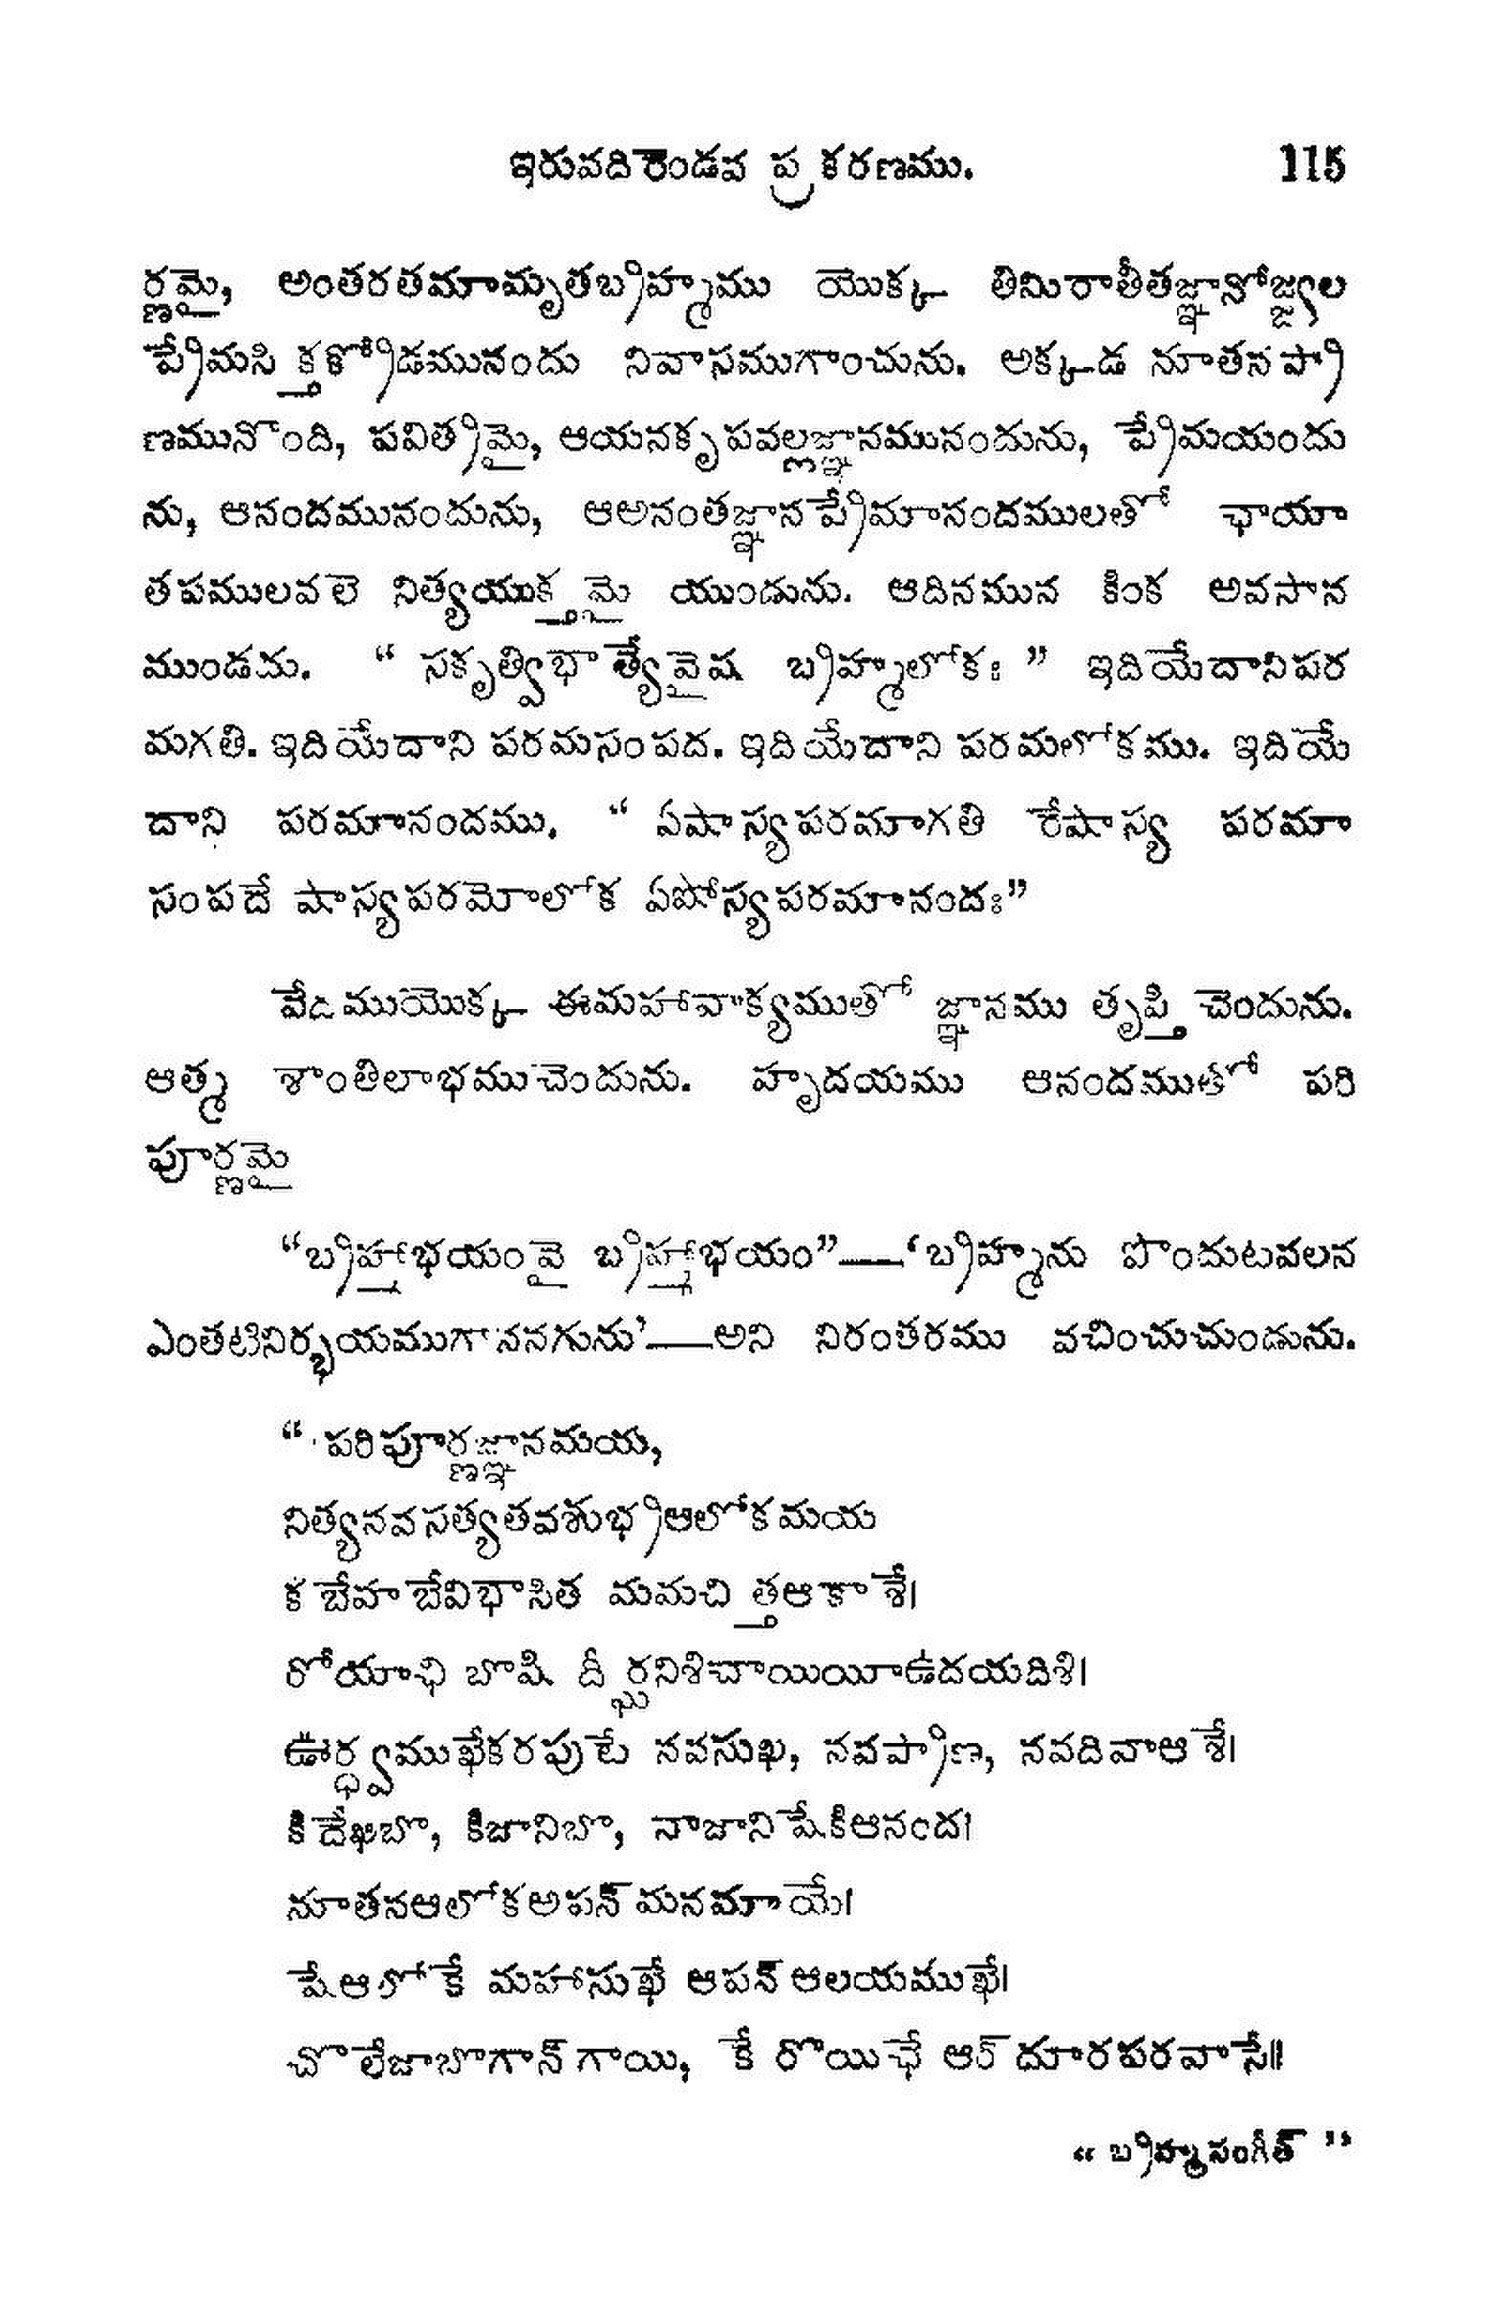ర్ణమై, అంతరతమామృత బ్రహ్మము యొక్క తిమిరాతీత జ్ఞానోజ్ఞ్యల
ప్రేమసి క్రోడమునందు నివాసముగాంచును. అక్కడ నూతన 
ప్రాణమునొంది, పవిత్రమై, ఆయన కృపవల్ల జ్ఞానమునందును, 
ప్రేమయందును, ఆనందమునందును, ఆ అనంతజ్ఞాన 
ప్రేమానందములతో ఛాయాతపములవలె నిత్యయుక్తమై యుండును. 
ఆదినమున కింక అవసాన ముండదు.* సకృత్విభాత్వేవైష బాహ్మలోక " 
ఇదియే దాని పరమగతి. ఇది యేదాని పరమసంపద. ఇదియే దాని 
పరమలోకము. ఇదియే దాని పరమానందము,"ఏషాస్యపరమాగతి 
రేషాస్య పరమా సంపదే షాస్య పరమోలోక ఏషోస్య పరమానందః 
పరమామాగతి రేషా స్య పరమాసంపదే పాస్య పరమోలోక ఏషోస్య 
పరమానందః”

వేదముయొక్క ఈమహావాక్యముతో జ్ఞానము తృప్తి చెందును.ఆత్మ శాంతి
లాభము చెందును. హృదయము ఆనందముతో పరిపూర్ణమై

“బ్రహ్మా భయం వై బ్రహ్మభయం” - బ్రహ్మను పొందుటవలనఎంతటి 
నిర్భయముగా" ననగును "అని నిరంతరము వచించు చుండును.

" పరిపూర్ణజ్ఞానమయ
నిత్యనవసత్యతవశుభ్ర ఆలోకమయ
కబేహ బేవి భాసిత మమచిత్తఆకాశే|
రోయాచి బొషి దీర్ఘ నిశిచాయియీఉదయదిశి|
ఊర్ధ్వముఖేకరపుటే నవసుఖ, నవప్రాణ, నవదివాఆశే!
కిదేఖబొ, జానిబో, నాజాని షేకి ఆనంద!
నూతనఆలోక అపన్ మనమాయే|
షేఆలోకే మహాసుఖే ఆపన్ ఆలయముఖే|
చొలేజా బాగాన్ గాయి, కే రొయిఛే ఆర్ దూరపరవాసే!
 బ్రహ్మ సంగీత్ "